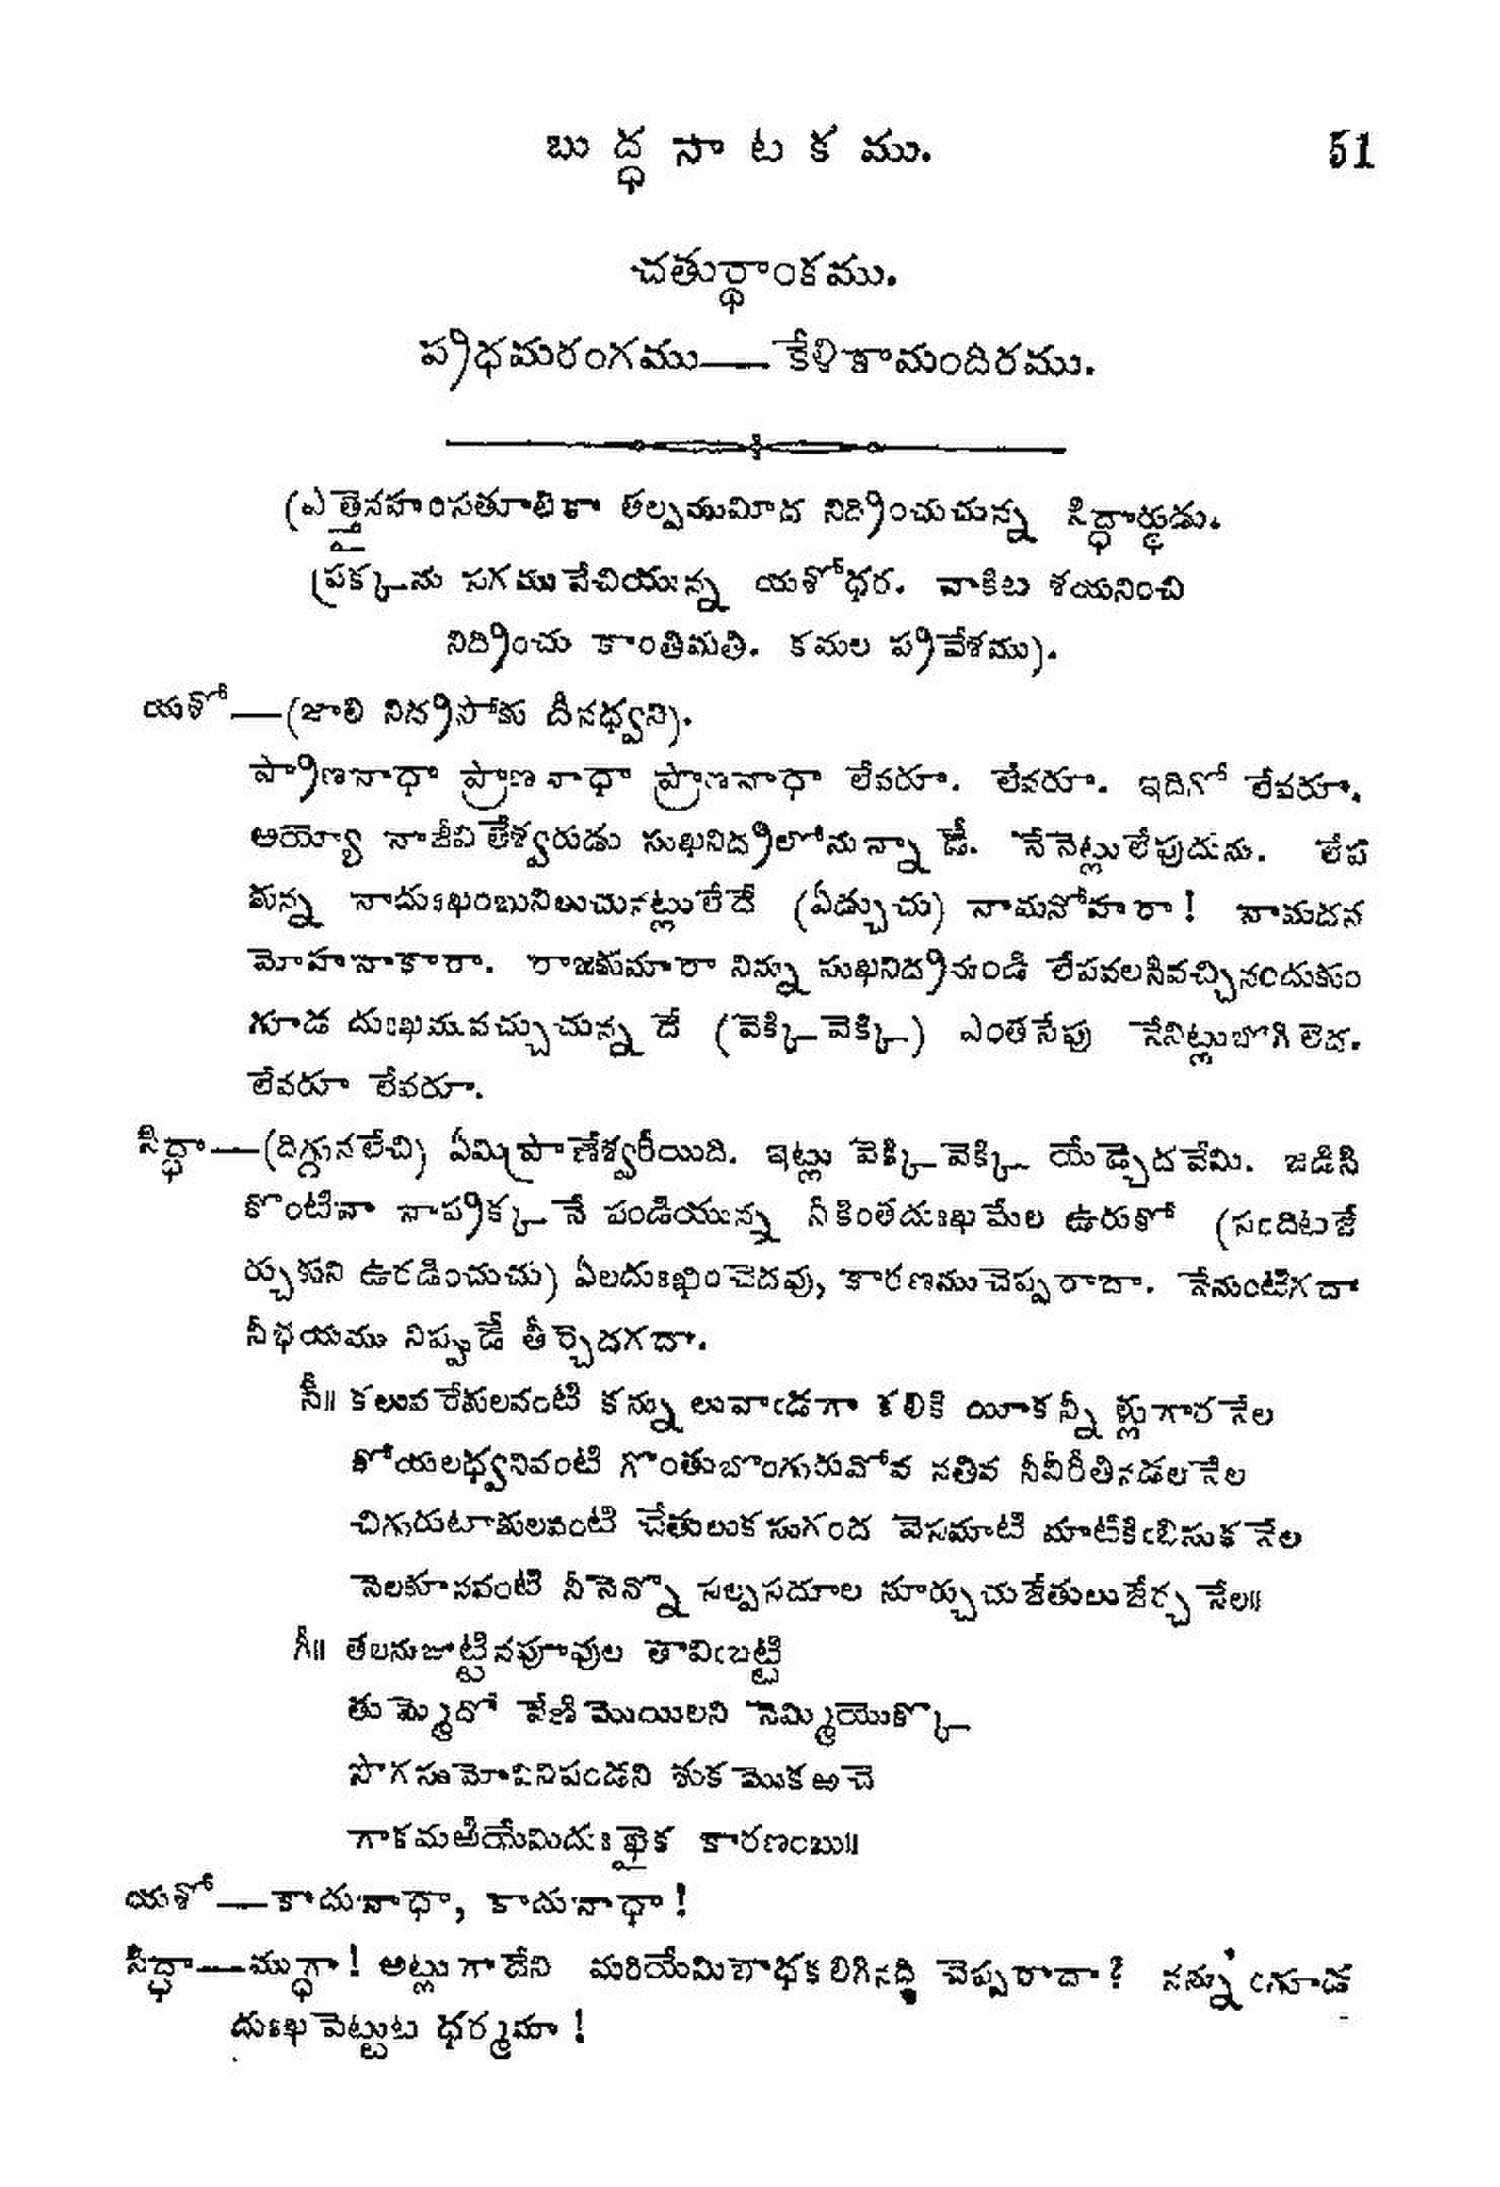(ఎత్తైనహంసతూలికా తల్పముమీద నిద్రించుచున్న సిద్ధార్థుడు. ప్రక్కను సగము వేచియున్న యశోధర. వాకిట శయనించి
నిద్రించు కాంతిమతి. కమల ప్రవేశము)

యశో — (జాలి నిద్రపోకు దీనధ్వని).
ప్రాణనాధా ప్రాణనాధా ప్రాణవారా లేవరూ. లేవరూ. ఇదిగో లేవరూ. అయ్యో నాజీవితేశ్వరుడు సుఖనిద్రలో నున్నాడే. నేనెట్లు 
లేపుదును. లేపకున్న నాదుఃఖంబునిలుచునట్లు లేదే (ఏడ్చుచు) నా మనోహరా! నా మదన మోహనాకారా. రాజకుమారా నిన్ను 
సుఖనిద్ర నుండి లేపవలసి వచ్చినందుకుంగూడ దుఃఖము వచ్చుచున్నదే (వెక్కి వెక్కి) ఎంతసేపు నేనిట్లుబోగిలెద.
లేవరూ లేవరూ.

సిద్ధా - (దిగ్గునలేచి) ఏమిప్రాణేశ్వరీయిది. ఇట్లు వెక్కి వెక్కి యేడ్చెదవేమి. జడిసి కొంటినా నాష్త్రక్కనే పండియున్న నీకింత 
దుఃఖమేల ఊరుకో (సందిటజేర్చుకుని ఊరడించుచు) ఏలదుఃఖించెదవు, కారణము చెప్పరాదా. నేనుంటిగదా నీ భయము
నిప్పుడే తీర్చెదగదా.

సీ॥ కలువరేకులవంటి కన్నులువాఁడగా కలికి యీ కన్నీళ్లుగారనేల
కోయలధ్వనివంటి గొంతుబొంగురువోవ సతిన నీవీరీతినడలనేల
చిగురుటాకులవంటి చేతులుకుసుగంద వెసమాటి మాటికిఁలిసుకనేల
నెలకూనవంటి నీనెన్నో సల్పసదూల నూర్చుచుజేతులు జేర్చ నేల 

గీ॥ తలనుజుట్టినపూవుల తావిఁబట్టి
తుమ్మెదో వేణిమెయిలని నెమ్మియొక్కొ
సొగసుమోవినిపండని శుకమొకఱచె
గాకమఱియేమిదుఃఖైక కారణంబు॥ 

యశో — కాదునాధా, కాదునాధా!

సిద్ధా - ముగ్ధా! అట్లుగాదేని మరియేమిబాధకలిగినద్ధి చెప్పరాదా? నన్నుంగూడ దుఃఖపెట్టుట ధర్మమా!